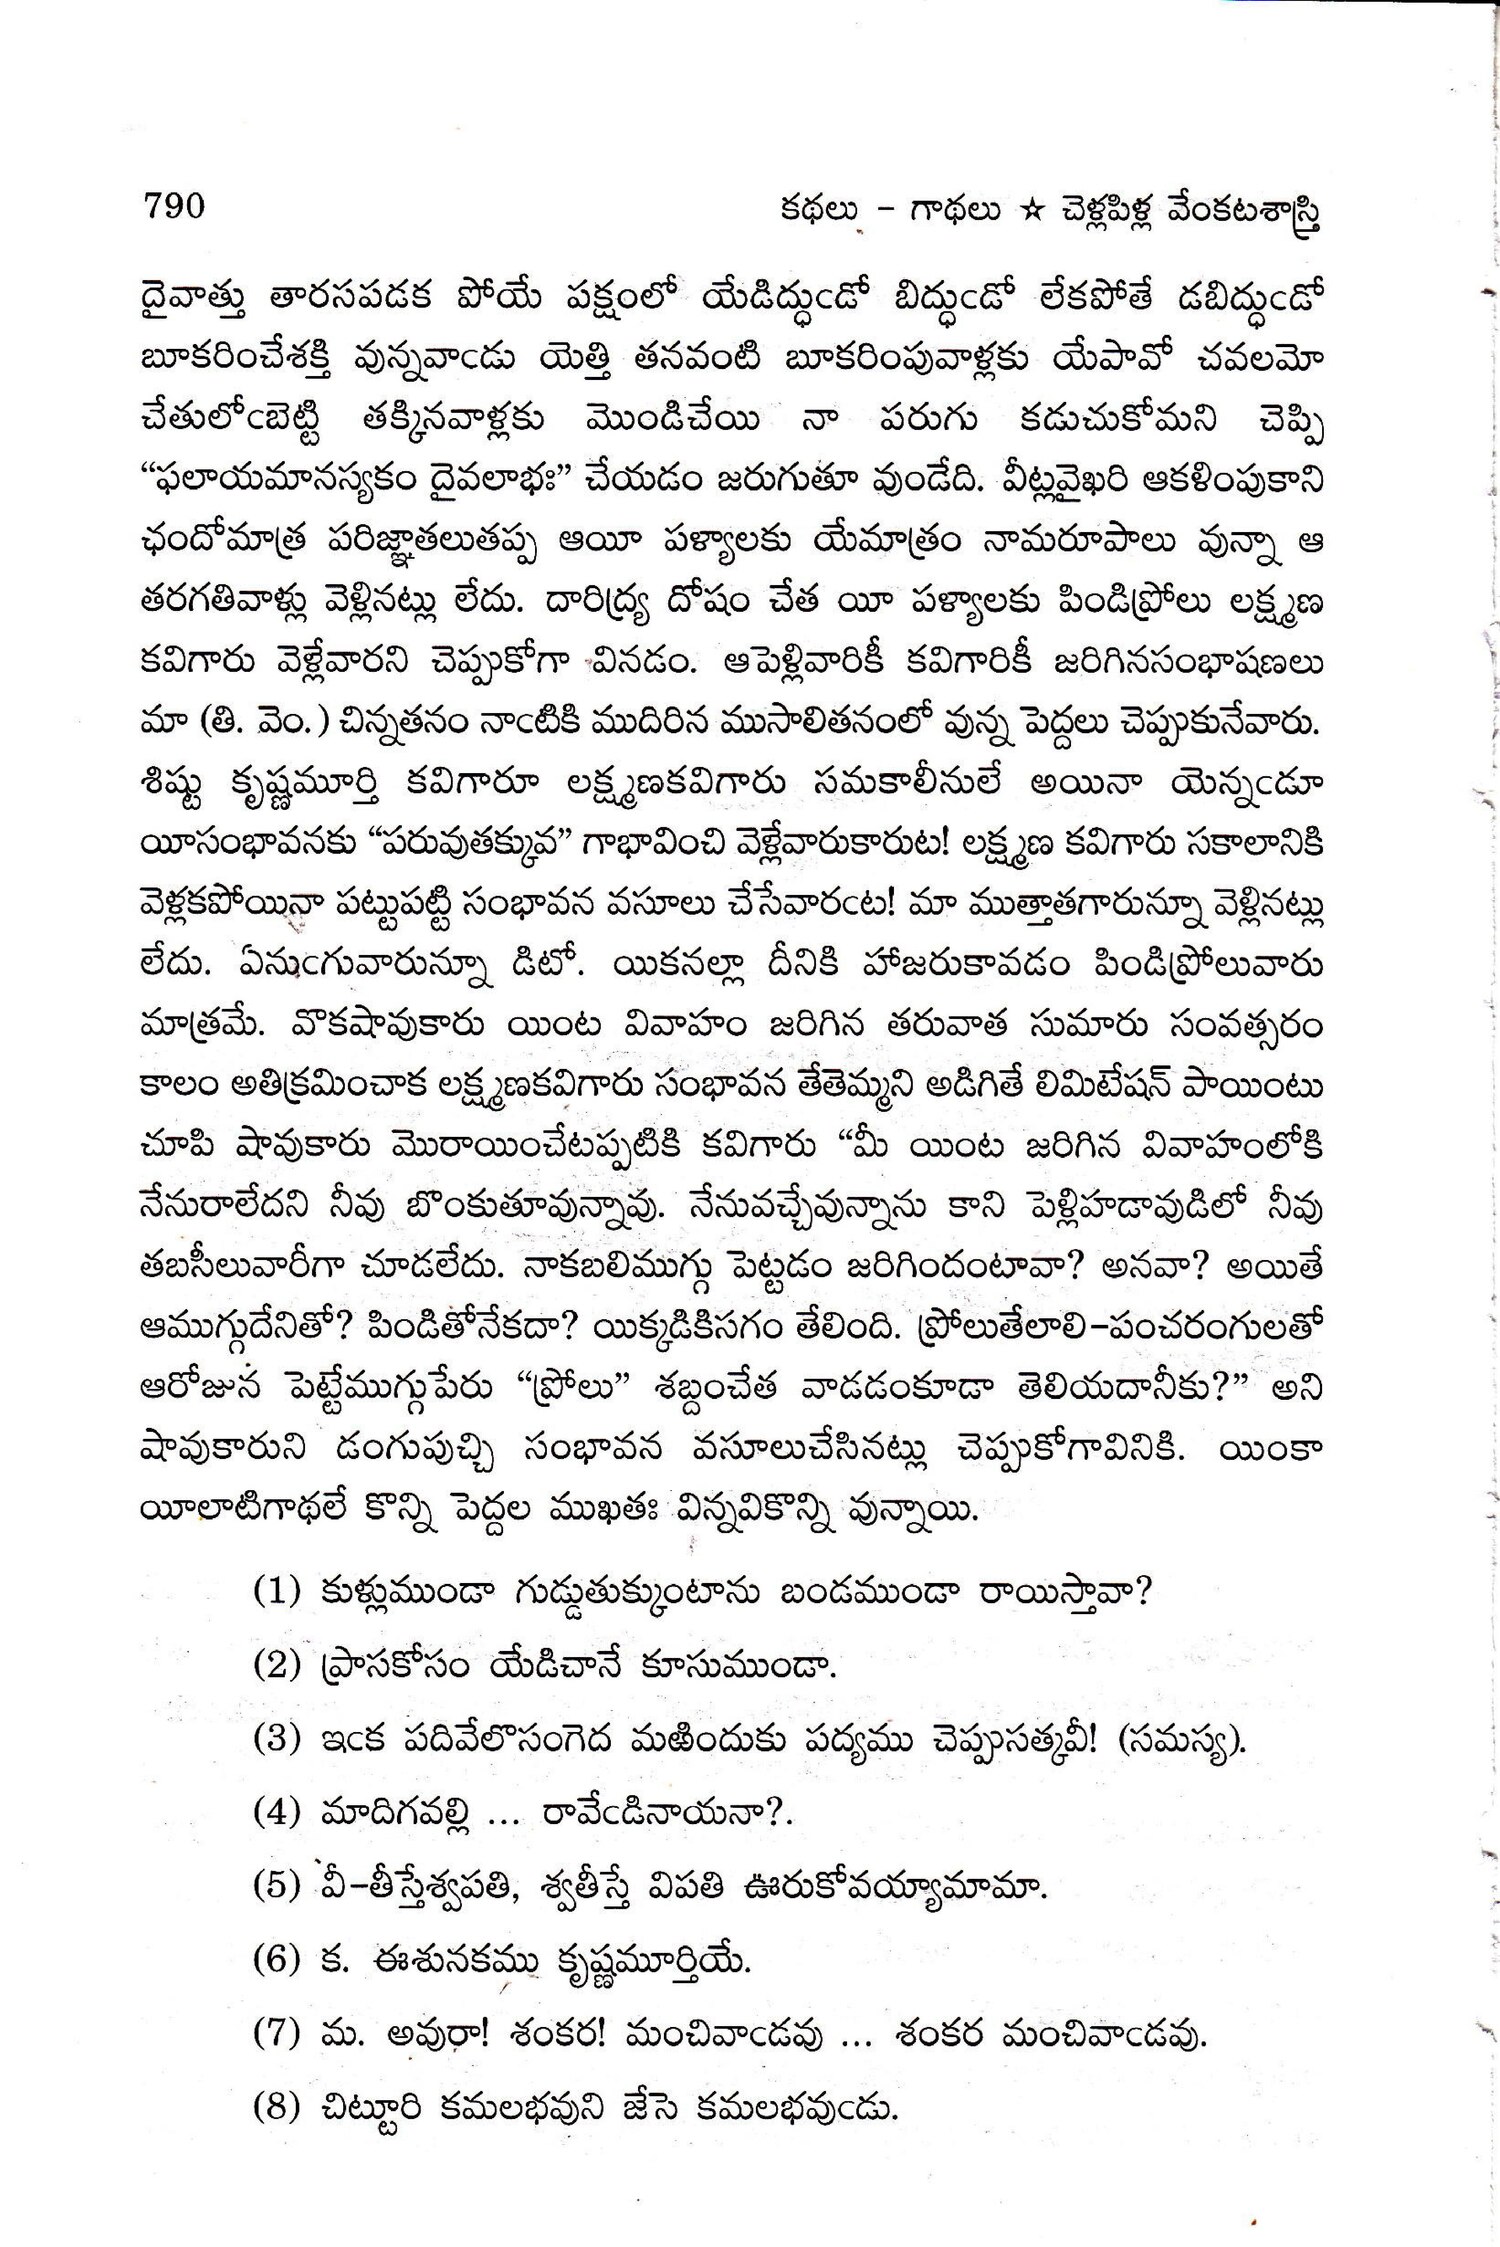దైవాత్తు తారసపడక పోయే పక్షంలో యేడిద్ధుఁడో బిద్ధుఁడో లేకపోతే డబిద్ధుఁడో బూకరించేశక్తి వున్నవాఁడు యెత్తి తనవంటి బూకరింపువాళ్లకు యేపావో చవలమో చేతులోఁబెట్టి తక్కినవాళ్లకు మొండిచేయి నా పరుగు కడుచుకోమని చెప్పి “ఫలాయమానస్యకం దైవలాభః" చేయడం జరుగుతూ వుండేది. వీట్లవైఖరి ఆకళింపుకాని ఛందోమాత్ర పరిజ్ఞాతలుతప్ప ఆయీ పళ్యాలకు యేమాత్రం నామరూపాలు వున్నా ఆ తరగతివాళ్లు వెళ్లినట్లు లేదు. దారిద్ర్య దోషం చేత యీ పళ్యాలకు పిండిప్రోలు లక్ష్మణ కవిగారు వెళ్లేవారని చెప్పకోగా వినడం. ఆపెళ్లివారికీ కవిగారికీ జరిగినసంభాషణలు మా (తి. వెం.) చిన్నతనం నాఁటికి ముదిరిన ముసాలితనంలో వున్న పెద్దలు చెప్పకునేవారు. శిష్టు కృష్ణమూర్తి కవిగారూ లక్ష్మణకవిగారు సమకాలీనులే అయినా యెన్నఁడూ యీసంభావనకు “పరువుతక్కువ" గాభావించి వెళ్లేవారుకారుట! లక్ష్మణ కవిగారు సకాలానికి వెళ్లకపోయినా పట్టుపట్టి సంభావన వసూలు చేసేవారఁట! మా ముత్తాతగారున్నూ వెళ్లినట్లు లేదు. ఏనుఁగువారున్నూ డిటో, యికనల్లా దీనికి హాజరుకావడం పిండిప్రోలువారు మాత్రమే. వొకషావుకారు యింట వివాహం జరిగిన తరువాత సుమారు సంవత్సరం కాలం అతిక్రమించాక లక్ష్మణకవిగారు సంభావన తేతెమ్మని అడిగితే లిమిటేషన్ పాయింటు చూపి షావుకారు మొరాయించేటప్పటికి కవిగారు “మీ యింట జరిగిన వివాహంలోకి నేనురాలేదని నీవు బొంకుతూవున్నావు. నేనువచ్చేవున్నాను కాని పెళ్లిహడావుడిలో నీవు తబసీలువారీగా చూడలేదు. నాకబలిముగ్గు పెట్టడం జరిగిందంటావా? అనవా? అయితే ఆముగ్గుదేనితో? పిండితోనేకదా? యిక్కడికిసగం తేలింది. ప్రోలుతేలాలి –పంచరంగులతో ఆరోజున పెట్టేముగ్గుపేరు "ప్రోలు" శబ్దంచేత వాడడంకూడా తెలియదానీకు?” అని షావుకారుని డంగుపుచ్చి సంభావన వసూలుచేసినట్లు చెప్పకోగావినికి. యింకా యీలాటిగాథలే కొన్ని పెద్దల ముఖతః విన్నవికొన్ని వున్నాయి.

(1) కుళ్లముండా గుడ్డుతుక్కుంటాను బండముండా రాయిస్తావా? 

(2) ప్రాసకోసం యేడిచానే కూసుముండా.

(3) ఇఁక పదివేలొసంగెద మఱిందుకు పద్యము చెప్పుసత్కవీ! (సమస్య).

(4) మాదిగవల్లి . రావేఁడినాయనా?. 

(5) వీ-తీస్తేశ్వపతి, శ్వతీస్తే విపతి ఊరుకోవయ్యామామా. 

(6) క. ఈశునకము కృష్ణమూర్తియే. 

(7) మ. అవురా! శంకర! మంచివాఁడవు ... శంకర మంచివాఁడవు. 

(8) చిట్టూరి కమలభవుని జేసె కమలభవుఁడు.